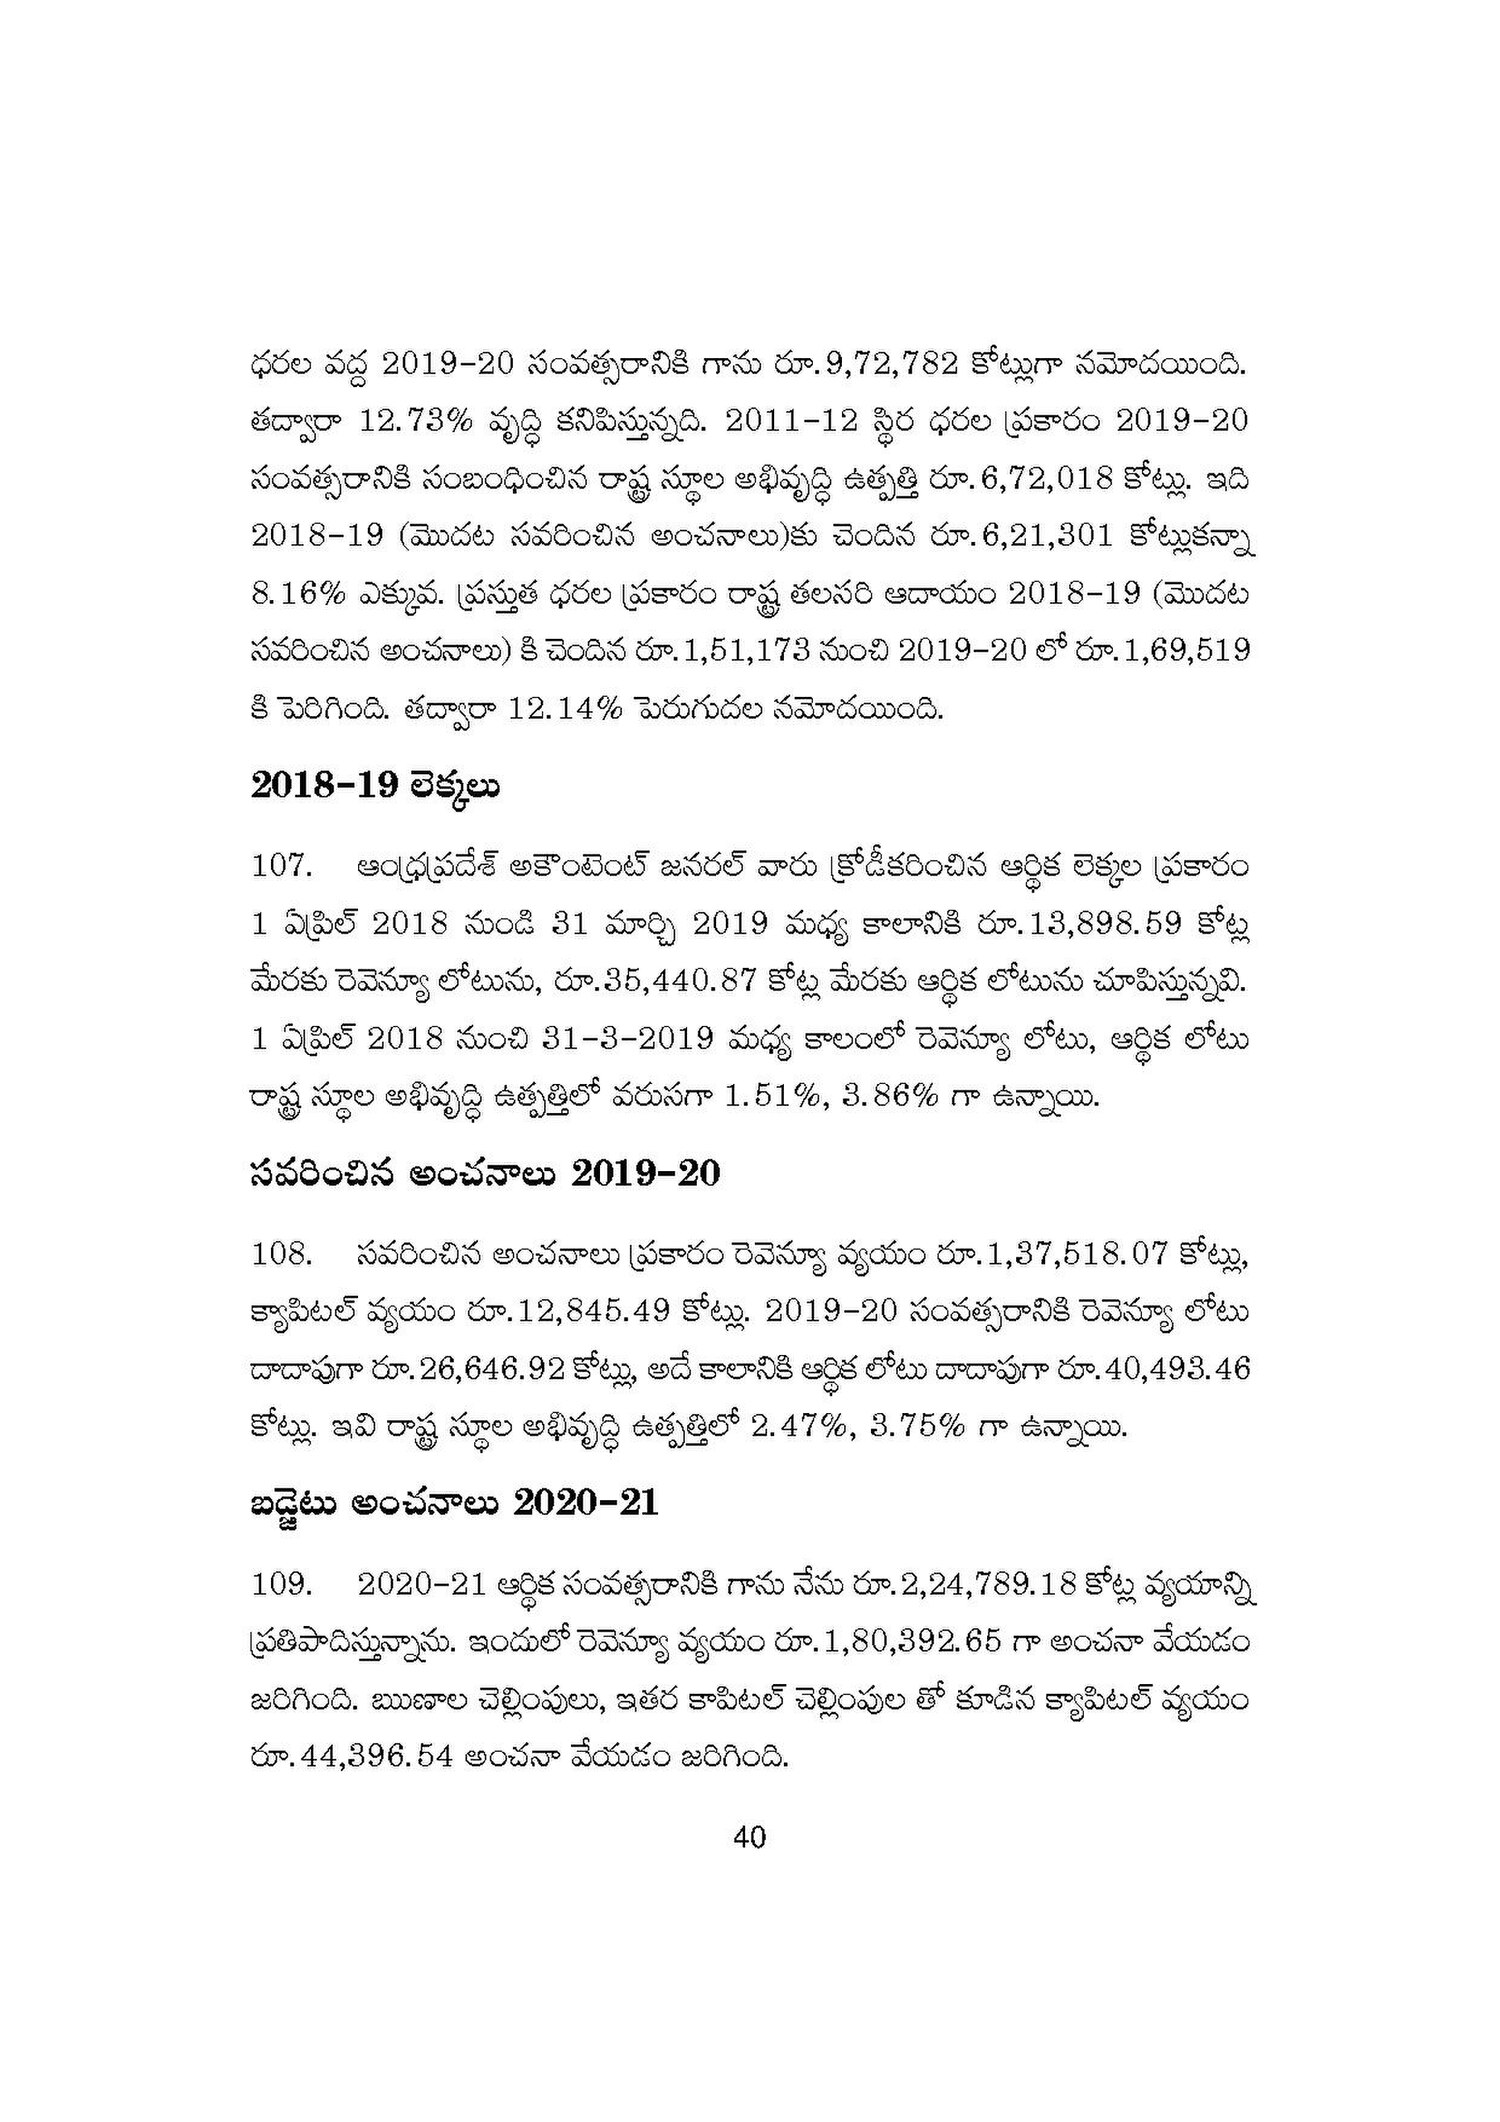ధరల వద్ద 2019-20 సంవత్సరానికి గాను రూ. 9,72,782 కోట్లుగా నమోదయింది. తద్వారా 12.73% వృద్ధి కనిపిస్తున్నది. 2011-12 స్థిర ధరల ప్రకారం 2019-20 సంవత్సరానికి సంబంధించిన రాష్ట్ర స్థూల అభివృద్ధి ఉత్పత్తి రూ. 6,72,018 కోట్లు. ఇది 2018-19 (మొదట సవరించిన అంచనాలు)కు చెందిన రూ. 6,21,301 కోట్లుకన్నా 8.16% ఎక్కువ. ప్రస్తుత ధరల ప్రకారం రాష్ట్ర తలసరి ఆదాయం 2018-19 (మొదట సవరించిన అంచనాలు) కి చెందిన రూ.1,51,173 నుంచి 2019-20 లో రూ.1,69,519 కి పెరిగింది. తద్వారా 12.14% పెరుగుదల నమోదయింది. 

2018-19 లెక్కలు 

107. ఆంధ్రప్రదేశ్ అకౌంటెంట్ జనరల్ వారు క్రోడీకరించిన ఆర్థిక లెక్కల ప్రకారం 1 ఏప్రిల్ 2018 నుండి 31 మార్చి 2019 మధ్య కాలానికి రూ.13,898.59 కోట్ల మేరకు రెవెన్యూ లోటును, రూ.35,440.87 కోట్ల మేరకు ఆర్థిక లోటును చూపిస్తున్నవి. 1 ఏప్రిల్ 2018 నుంచి 31-3-2019 మధ్య కాలంలో రెవెన్యూ లోటు, ఆర్థిక లోటు రాష్ట్ర స్థూల అభివృద్ధి ఉత్పత్తిలో వరుసగా 1.51%, 3.86% గా ఉన్నాయి.

సవరించిన అంచనాలు 2019-20 

108. సవరించిన అంచనాలు ప్రకారం రెవెన్యూ వ్యయం రూ.1,37,518.07 కోట్లు, క్యాపిటల్ వ్యయం రూ.12,845.49 కోట్లు. 2019-20 సంవత్సరానికి రెవెన్యూ లోటు దాదాపుగా రూ.26,646.92 కోట్లు, అదే కాలానికి ఆర్థిక లోటు దాదాపుగా రూ.40,493.46 కోట్లు. ఇవి రాష్ట్ర స్థూల అభివృద్ధి ఉత్పత్తిలో 2.47%, 3.75% గా ఉన్నాయి. 

బడ్జెటు అంచనాలు 2020-21 

109. 2020-21 ఆర్థిక సంవత్సరానికి గాను నేను రూ.2,24,789.18 కోట్ల వ్యయాన్ని ప్రతిపాదిస్తున్నాను. ఇందులో రెవెన్యూ వ్యయం రూ.1,80,392.65 గా అంచనా వేయడం జరిగింది. ఋణాల చెల్లింపులు, ఇతర కాపిటల్ చెల్లింపుల తో కూడిన క్యాపిటల్ వ్యయం రూ. 44,396.54 అంచనా వేయడం జరిగింది.